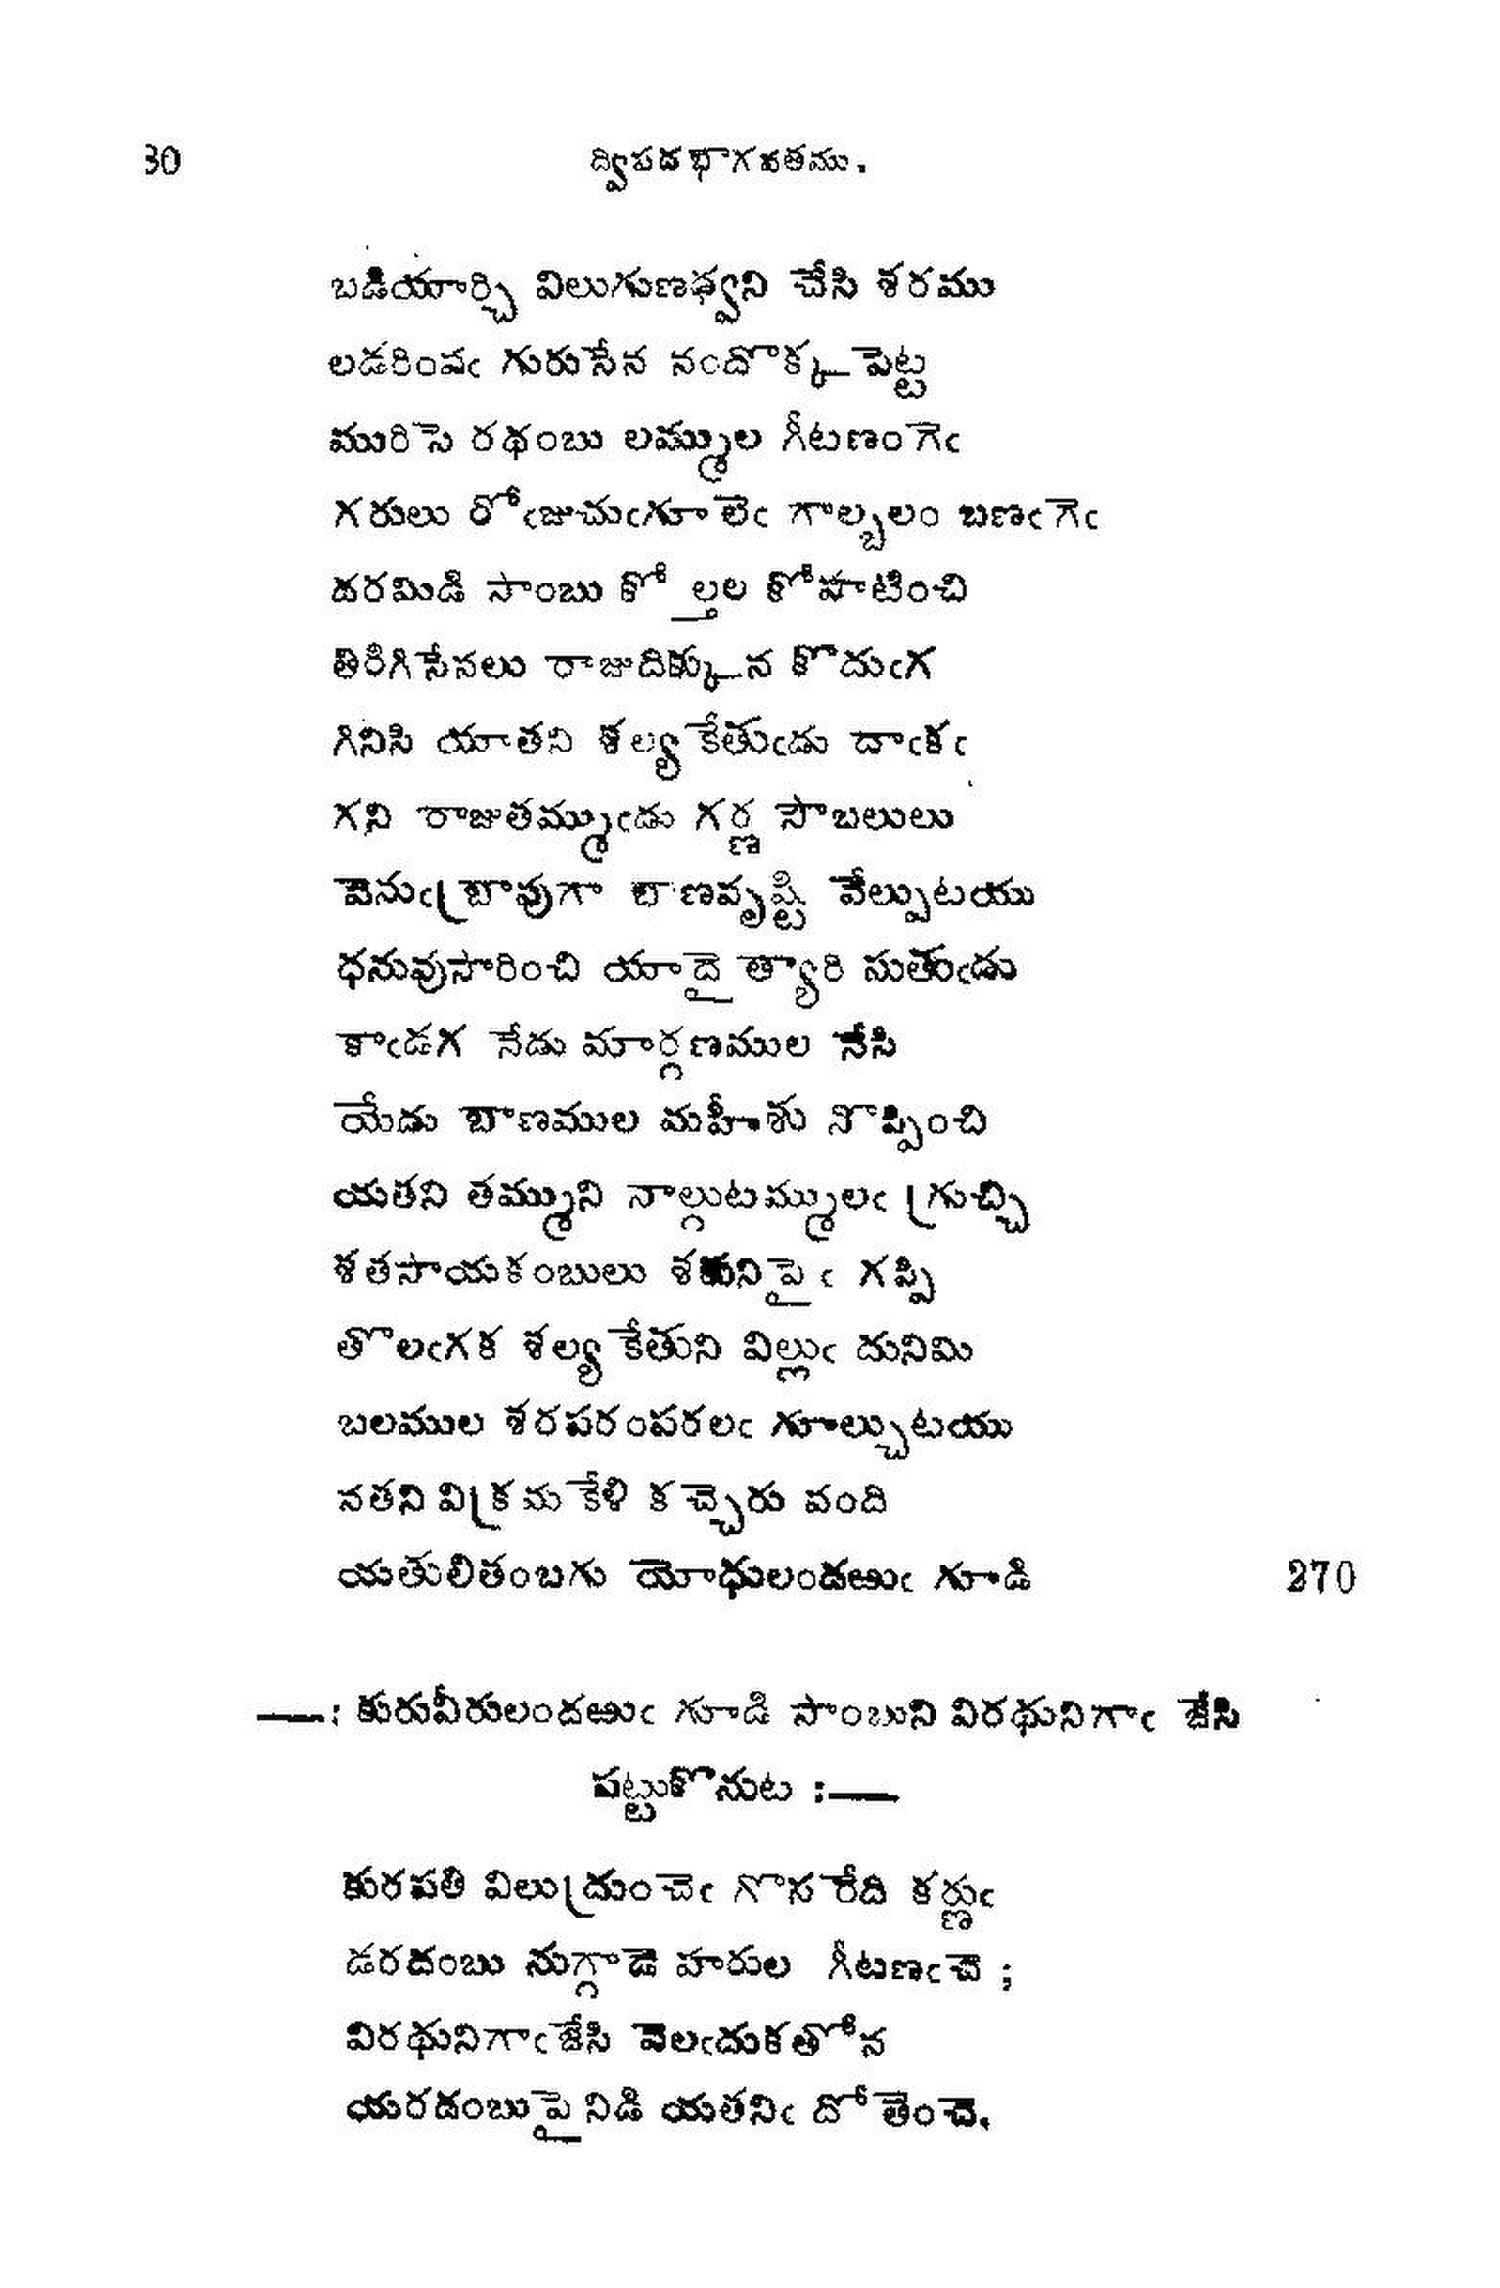బడియార్చి విలుగుణధ్వని చేసి శరము
లడరింపఁ గురుసేన నందొక్కపెట్ట
మురిసె రథంబు లమ్ముల గీటణంగెఁ
గరులు రోఁజుచుఁగూలెఁ గాల్బలం బణఁగెఁ
దరమిడి సాంబు కోల్తల కోహటించి 
తిరిగిసేనలు రాజు దిక్కున కొదుఁగ
గినిసి యాతని శల్యకేతుఁడు దాఁకఁ
గని రాజుతమ్ముఁడు గర్ణ సౌబలులు
వెనుఁ బ్రావుగా బాణవృష్టి వేల్పుటయు
ధనువుసారించి యా దైత్యారి సుతుఁడు
కాఁడగ నేడు మార్గణముల సేసి
యేడు బాణముల మహీశు నొప్పించి
యతని తమ్ముని నాల్గుటమ్ములఁ గ్రుచ్చి 
శతసాయకంబులు శకునిపైఁ గప్పి 
తొలఁగక శల్యకేతుని విల్లుఁ దునిమి
బలముల శరపరంపరలఁ గూల్చుటయు 
నతని విక్రమకేళి కచ్చెరువంది
యతులితంబగు యోధులందఱుఁ గూడి

కురుపతి విలుదుంచెఁ గొసరేది కర్ణుఁ
డరదంబు నుగ్గాడె హరుల గీటణఁచె; 
విరథునిగాఁ జేసి వెలఁదుకతోన 
యరదంబుపైనిడి యతనిఁ దోతెంచె.